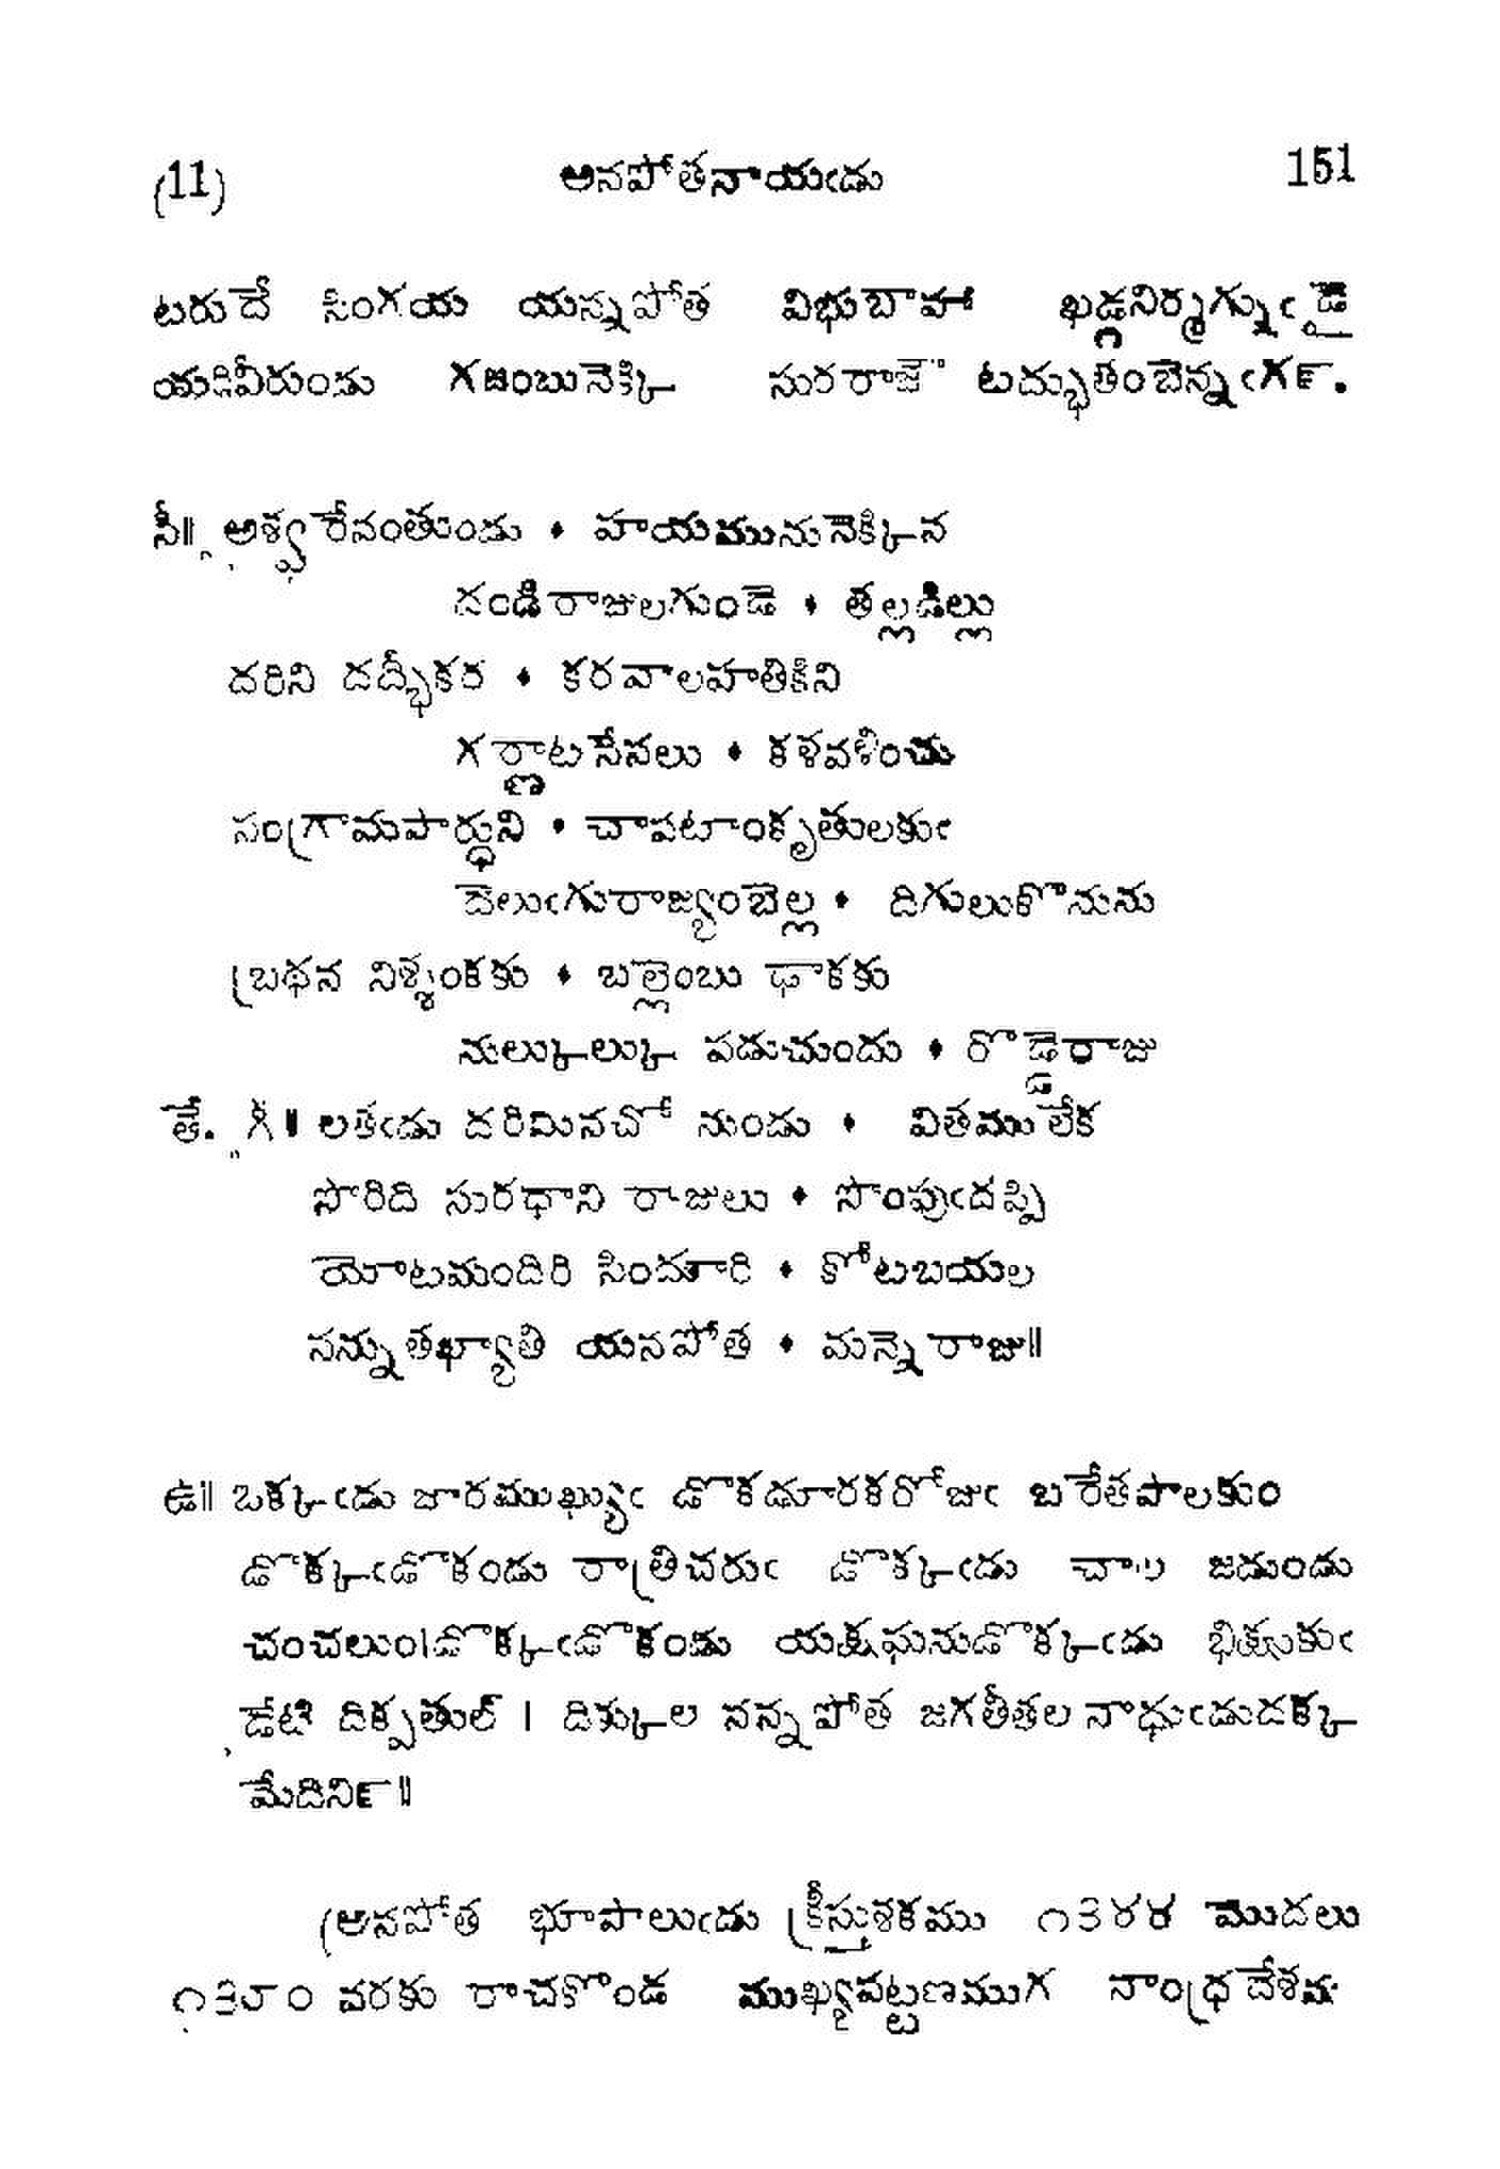టరుదే సింగయ యన్నపోత విభుబాహా ఖడ్గనిర్మగ్నుడై
 యదివీరుండు గజంబునెక్కి సురరాజౌ టద్భుతంబెన్నగన్.

సీ|| అశ్వరేవంతుండు . హయమునునెక్కిన
 దండిరాజులగుండె . తల్లడిల్లు
 దరిని దద్భీకర . కరవాలహతికిని
 గర్ణాటసేనలు . కళవళించు
 సంగ్రామపార్ధుని . చాపటాంకృతులకు
 దెలుగురాజ్యంబెల్ల . దిగులుకొనును
 బ్రథన నిశ్శంకకు . బల్లెంబు డాకకు
 నుల్కుల్కు పడుచుందు . రొడ్డెరాజు

తే.గీ|| లతడు దరిమినచో నుండు . వితములేక
 సొరది సురధాని రాజులు . సొంపుదప్పి
 యోటమందిరి సిందూరి . కోటబయల
 సన్నుతఖ్యాతి యనపోత . మన్నెరాజు||

ఉ|| ఒక్కడు జారముఖ్యు డొకడూరకరోజు బరేతపాలకుం
 డొక్కడొకండు రాత్రిచరు డొక్కడు చాల జడుండు
 చంచలుం|డొక్కడొకండు యక్షఘనుడొక్కడు భిక్షుకు
 డేటి దిక్పతుల్|దిక్కుల నన్నపోత జగతీతల నాధుడుదక్క మేదినిన్||

(అనపోత భూపాలుడు క్రీస్తుశకము 1344 మొదలు 1380 వరకు రాచకొండ ముఖ్యపట్టణముగ నాంధ్రదేశము